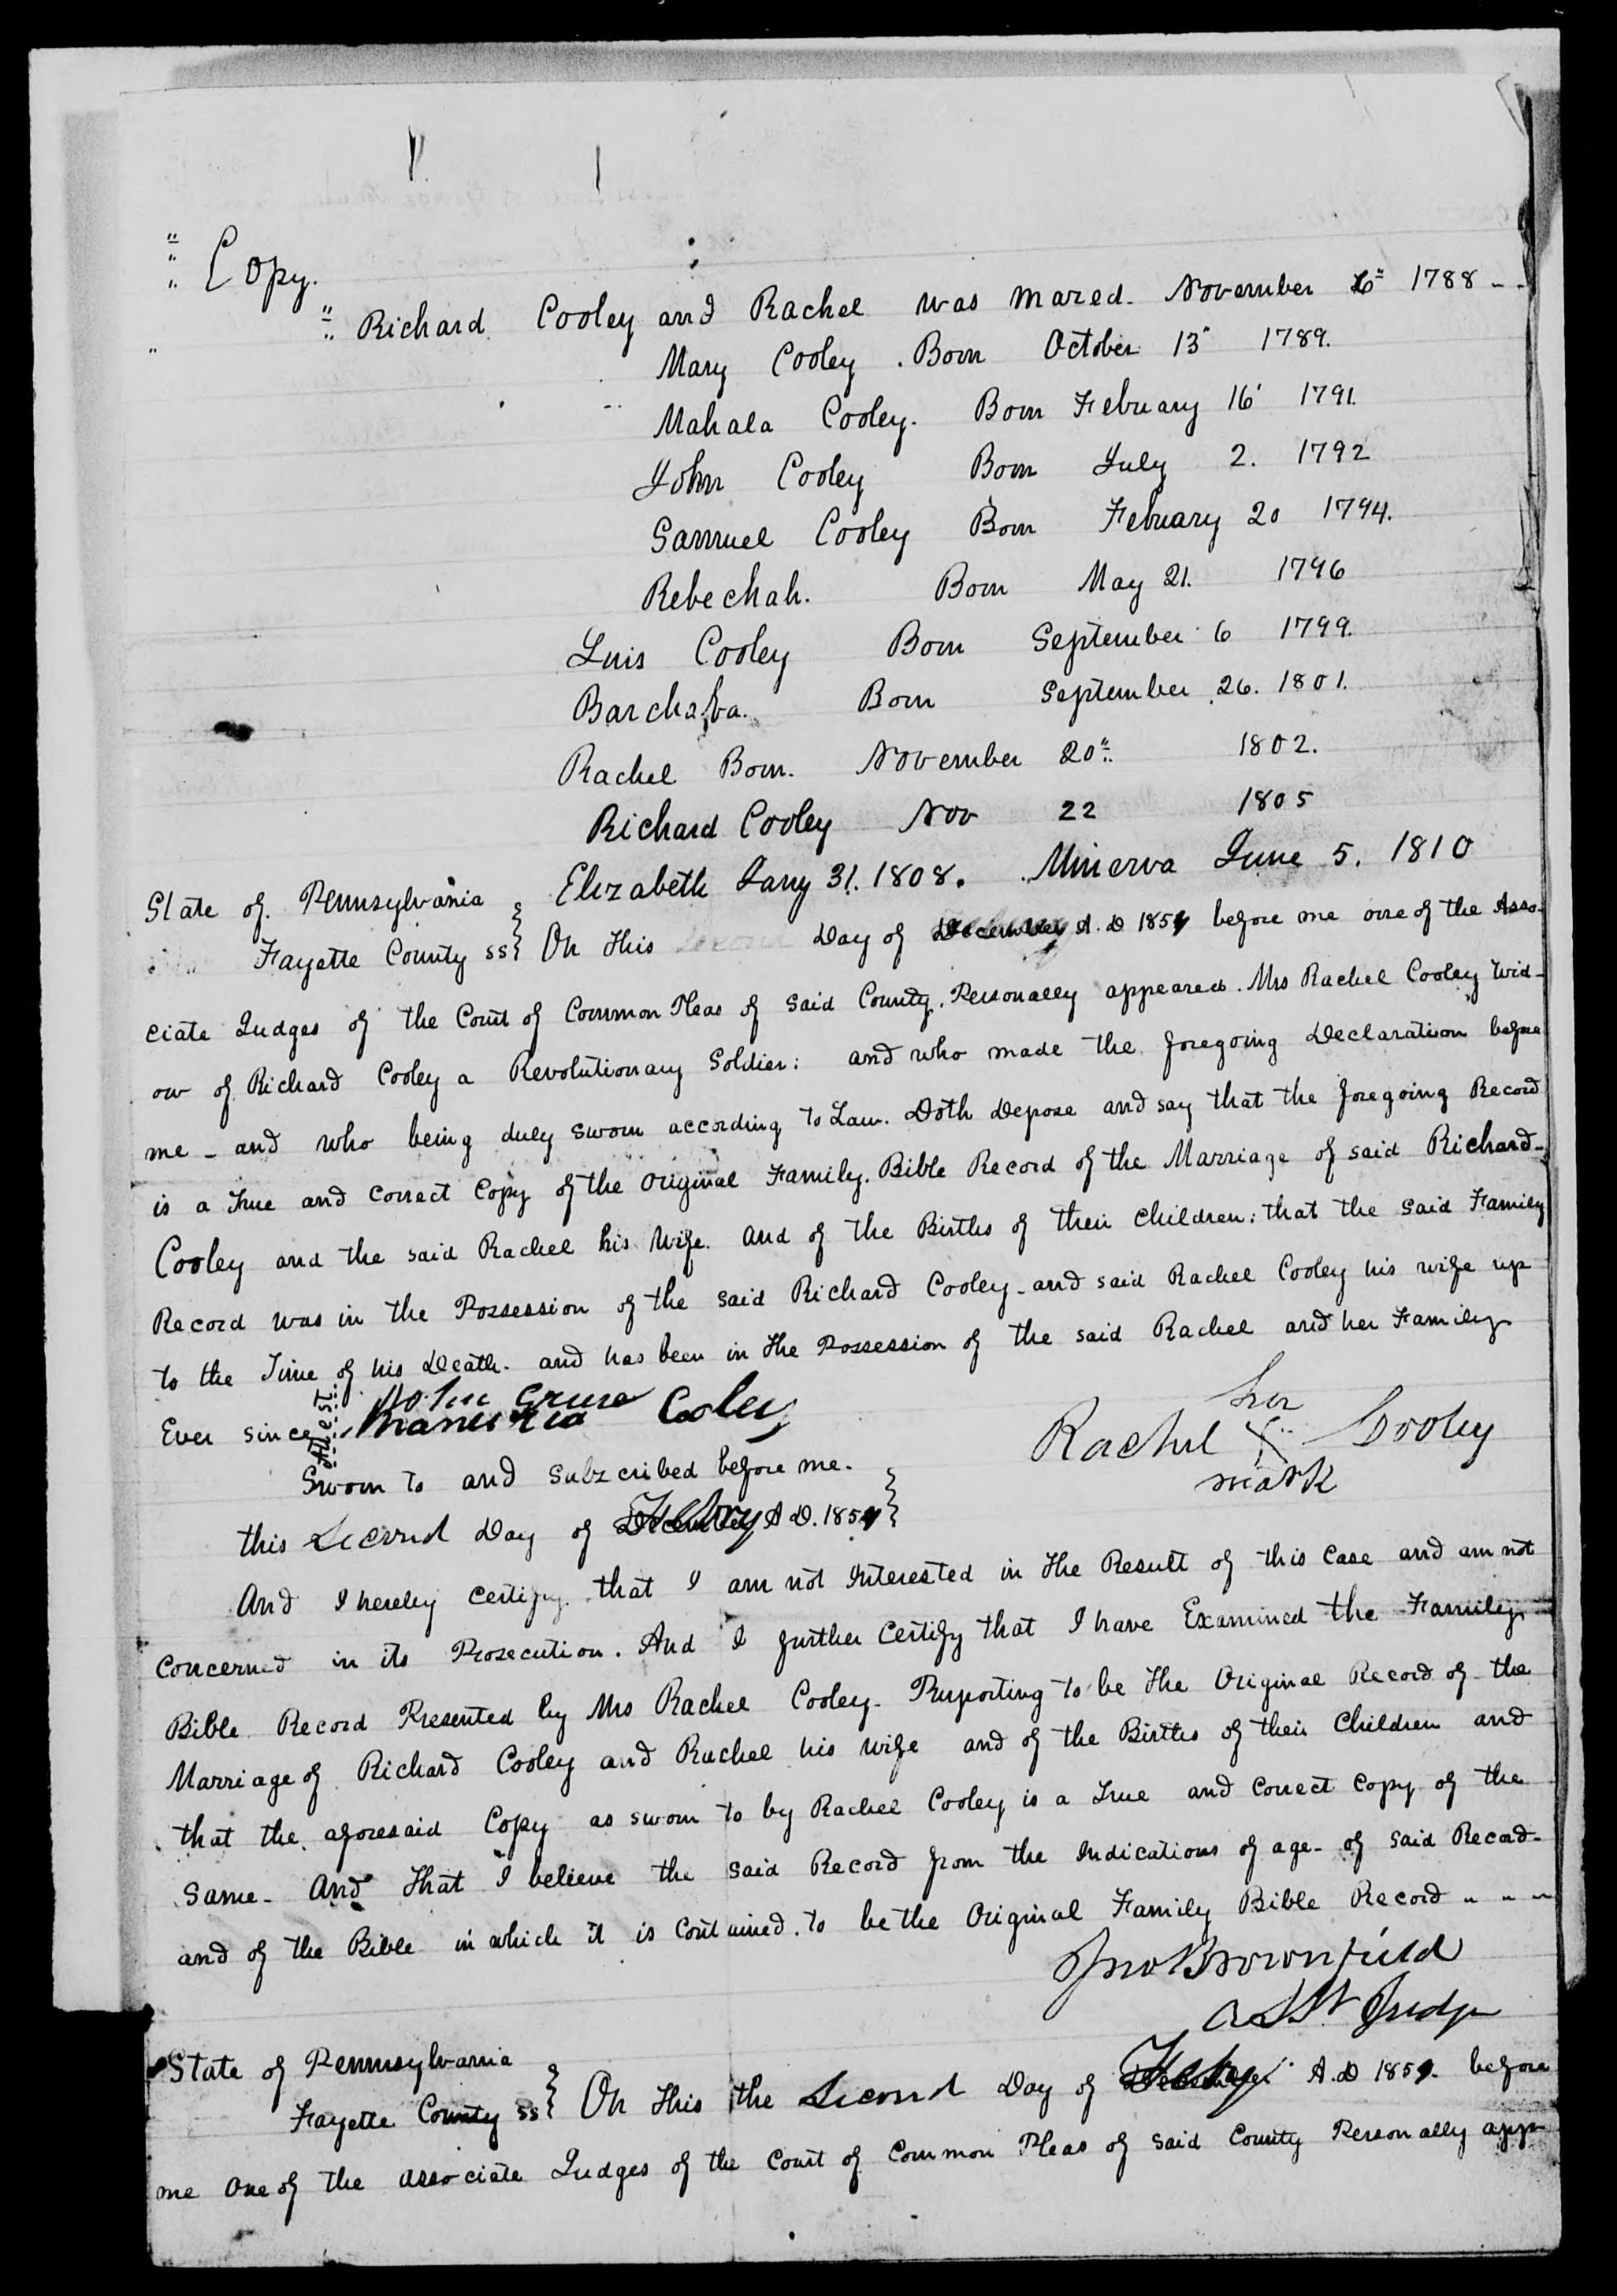Copy
- Richard Cooley and Pachel was mared November 6th 1788--
Mary Cooley Born October 13'  1789.
Mahala Cooley  Born February 16' 1791.
John Cooley  Born July 2. 1792
Samuel Cooley Born February 20  1744.
Rebechah.   Born May 21. 1796
Luis Colley Born September 6 1799
Barchaba.  Born September 26. 1801
Rachel   Born. November 20' 1802.
Richard Cooley  Nov 20'  1805.
Elizabeth  Jany 31. 18008.
Minerva June 5. 1810

State of Pennsylvania }
Fayette County ss }
On this [very light word] second Day of [very light word] February [overwritten by] December A.D. 185[last digit illegible] before one of the Associate Judges of the Court of Common Pleas of said County.  Personally appeared Mrs Rachel Cooley widow of Richard Cooley a Revolutionary Soldier: and who made the foregoing declaration before me _ and who being duly sworn according to Law. Doth depose and say that the foregoing Record is a True and correct Copy of the original Family Bible Record of the Marriage of said Richard Cooley and the said Rachel his wife and of the births of their children: that the said Family Record was in the Possession of the said Richard Cooley and said Rachel Cooley his wife up to the Time of his Death. and has been in the Possession of the said Rachel and her Family ever since.  
Attest [first signature illegible]  Manurva Cooley
Rachel her x mark Cooley

Sworn to and subscribed before me. this Second Day of February [overwrites December] A.D. 185[last digit illegible]
And I hereby certify that I am not interested in the Result of this case and am not concerned in the Prosecution. And I further Certify that I have Examined the Family Bible Record Presented by Mrs. Rachel Cooley.  Purporting to be the Original Record of the Marriage of Richard Cooley and Rachel his wife and of the Births of their children of the same. and that I believe the said Record from the indications of age of said record and of the Bible in which it is contained to be the Original Family bible Record _ _ _
John Brownfield   Asst Judge

State of Pennsylvania }
Fayette County ss }
On this Second day of February [overwrites December] A. D. 185[last digit illegible] before one one of the associate Judges of the Court of Common Pleas of said County Personally app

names: Rachel Cooley, Richard Cooley, Mary Cooley, Richard Cooley, Rebeckah, John Cooley, Rachel, Rachel, Richard Cooley, Samuel Cooley, Barchaba, Richard Cooley, Luis Cooley, Elizabeth, Rachel Cooley, Rachel Cooley, Richard Cooley, Rachel, Rachel, Rachel Cooley, John Brownfield, Richard Cooley, Mahala Cooley, Manurva Cooley, Rachel Cooley, John Gruver, Rachel Cooley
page: 9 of 19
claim: rejected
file: R. 2,283, Richard Cooley, Md.